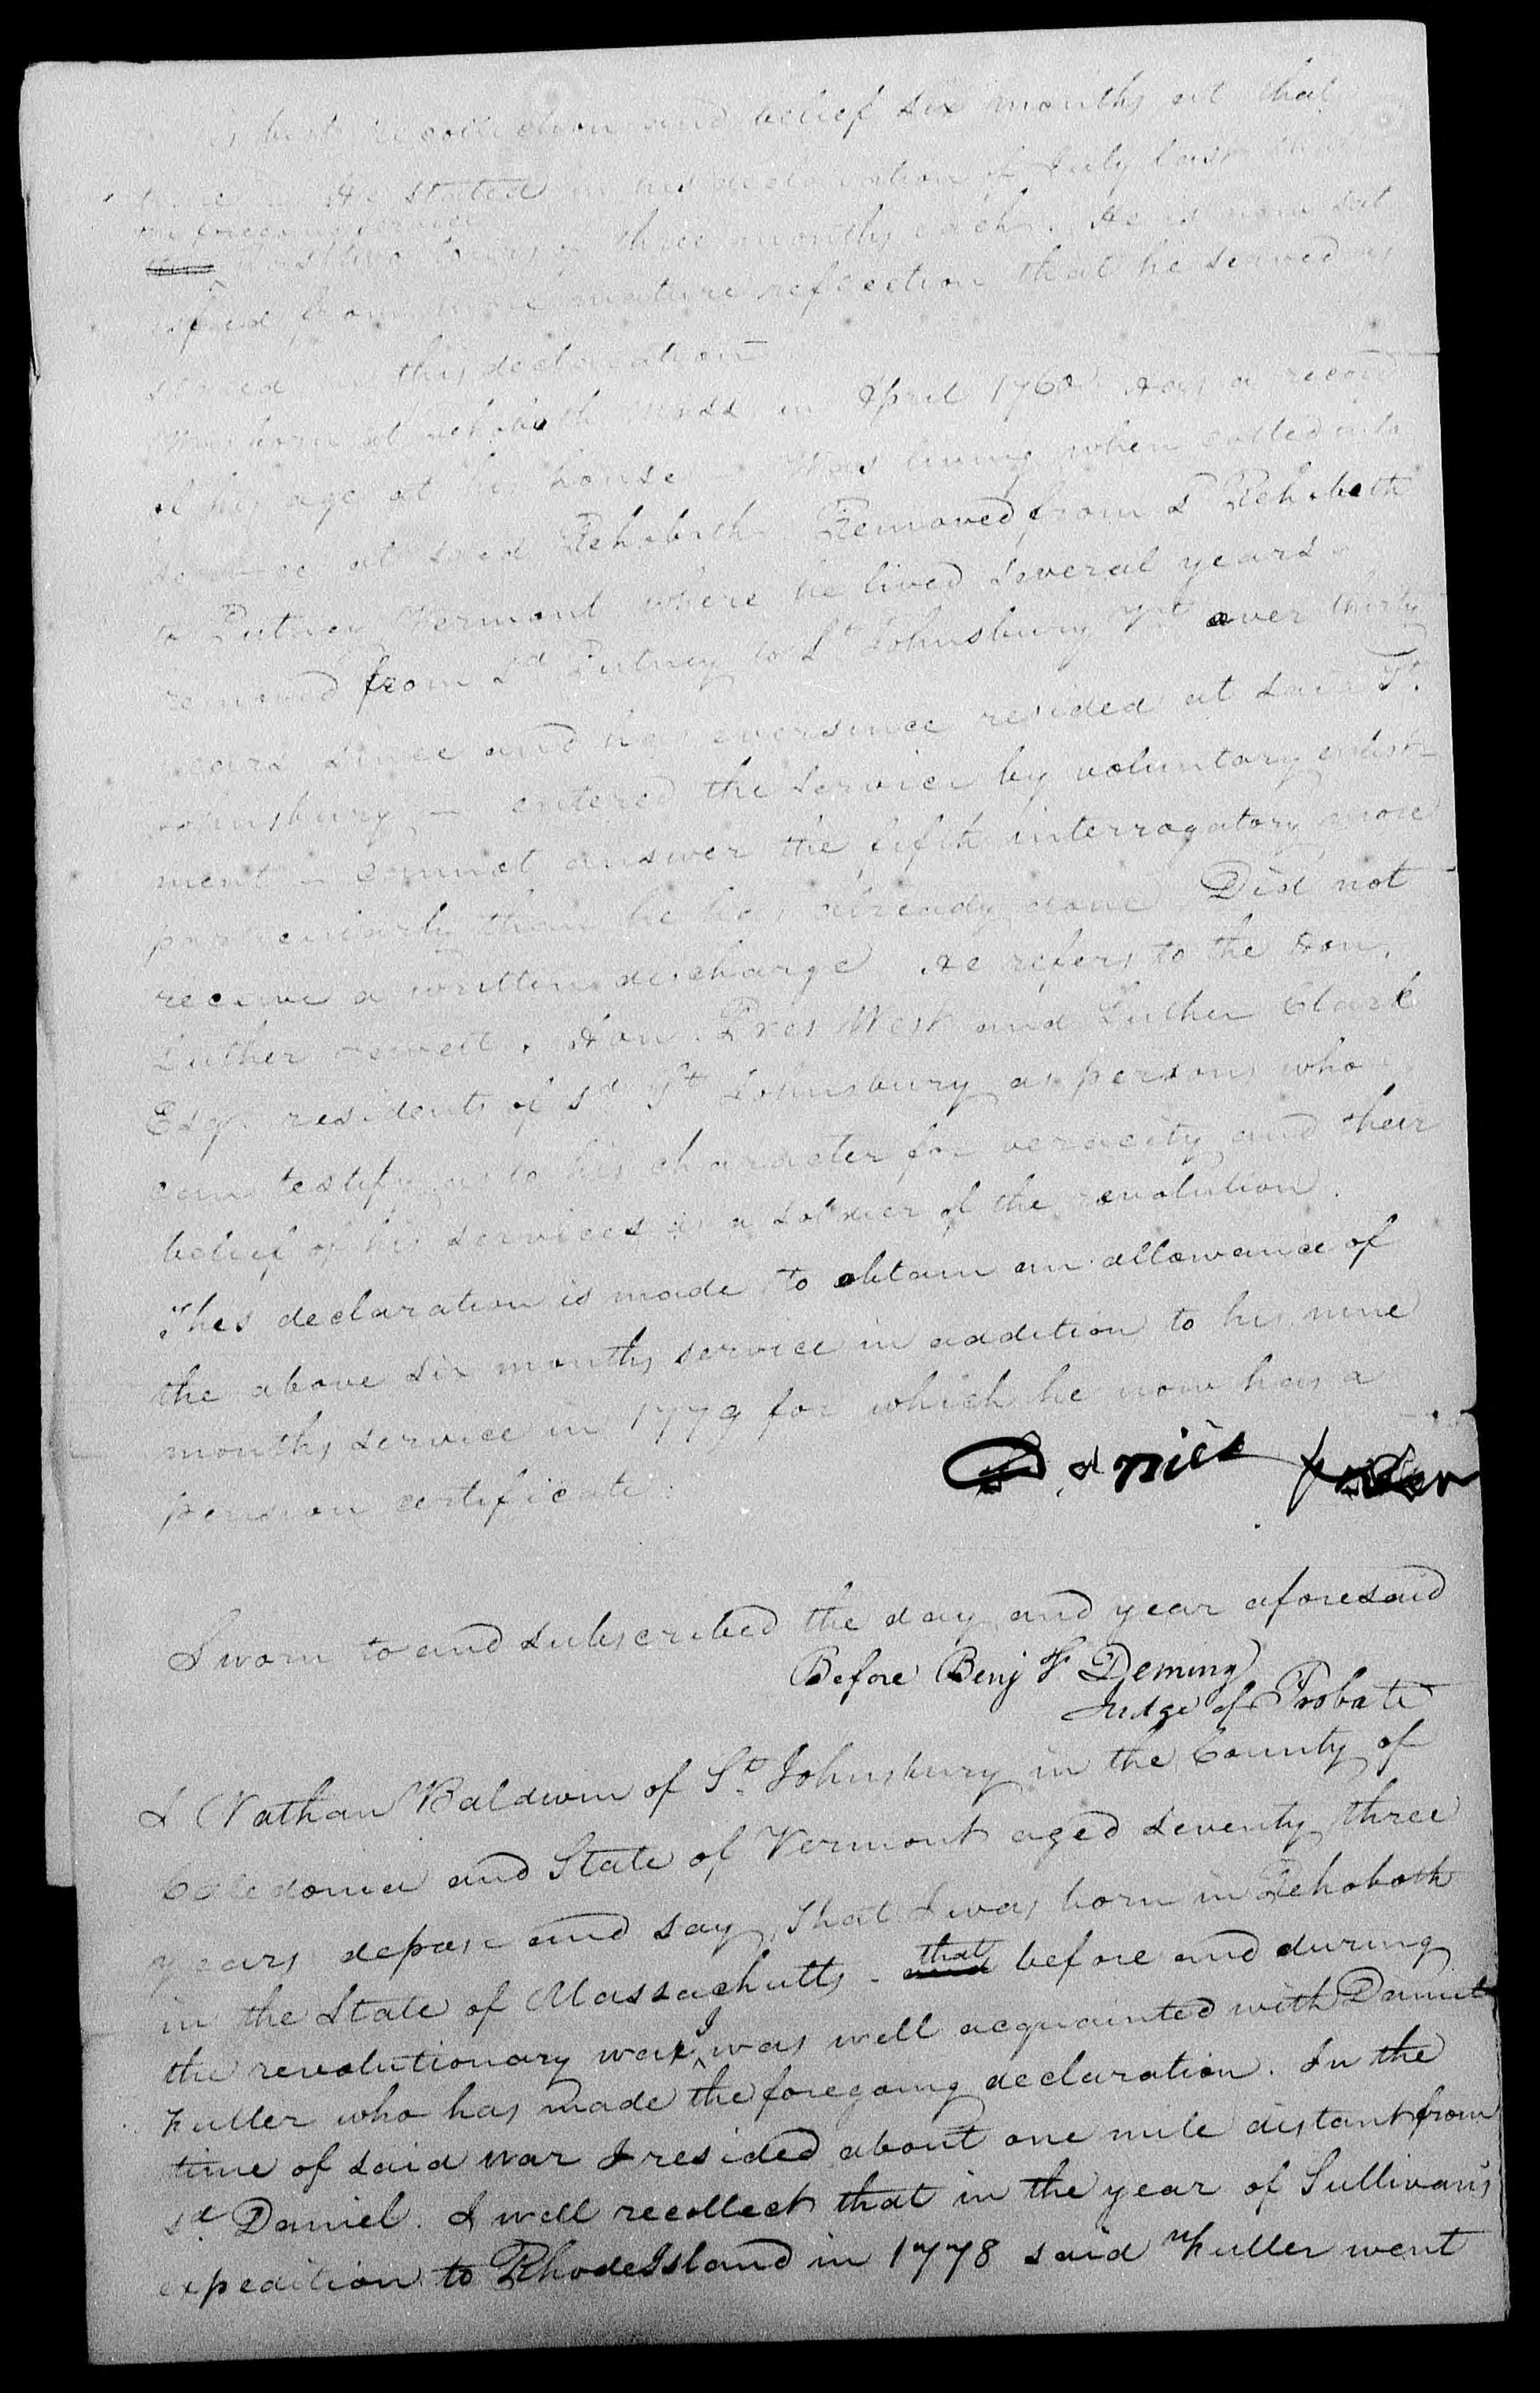[top section is too faded to read.]

Bottom sections

This declaration is made to obtain an allowance of the above six months service in addition to his nine monthly service in 1779 for which he [illegible] has a pension certificate,
Daniel Fuller (signed)

Sworn to and subscribed the day and year aforesaid
Before Benj. Demming Judge of Probate

I Nathan M Baldwin of St Johnsbury in the county of Caledonia and State of Vermont aged seventy three years depose and say, that I was born in Rehoboth In the State of Massachusetts -that before and during the revolutionary war I was well acquainted with Daniel Fuller who has made the foregoing declaration. In the time of said war I resided about one mile distant from sd Daniel. I well recollect that in the year of Sullivan's expedition to Rhode Island in 1778 said Fuller went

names: Sullivan, Luther Clark, Nathan Baldwin, Luther Jewett, Fuller, Daniel Fuller, Daniel Fuller, Benj F Deming, Daniel, Pres West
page: 8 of 29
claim: survivor's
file: S. 18830, Daniel Fuller, Mass.